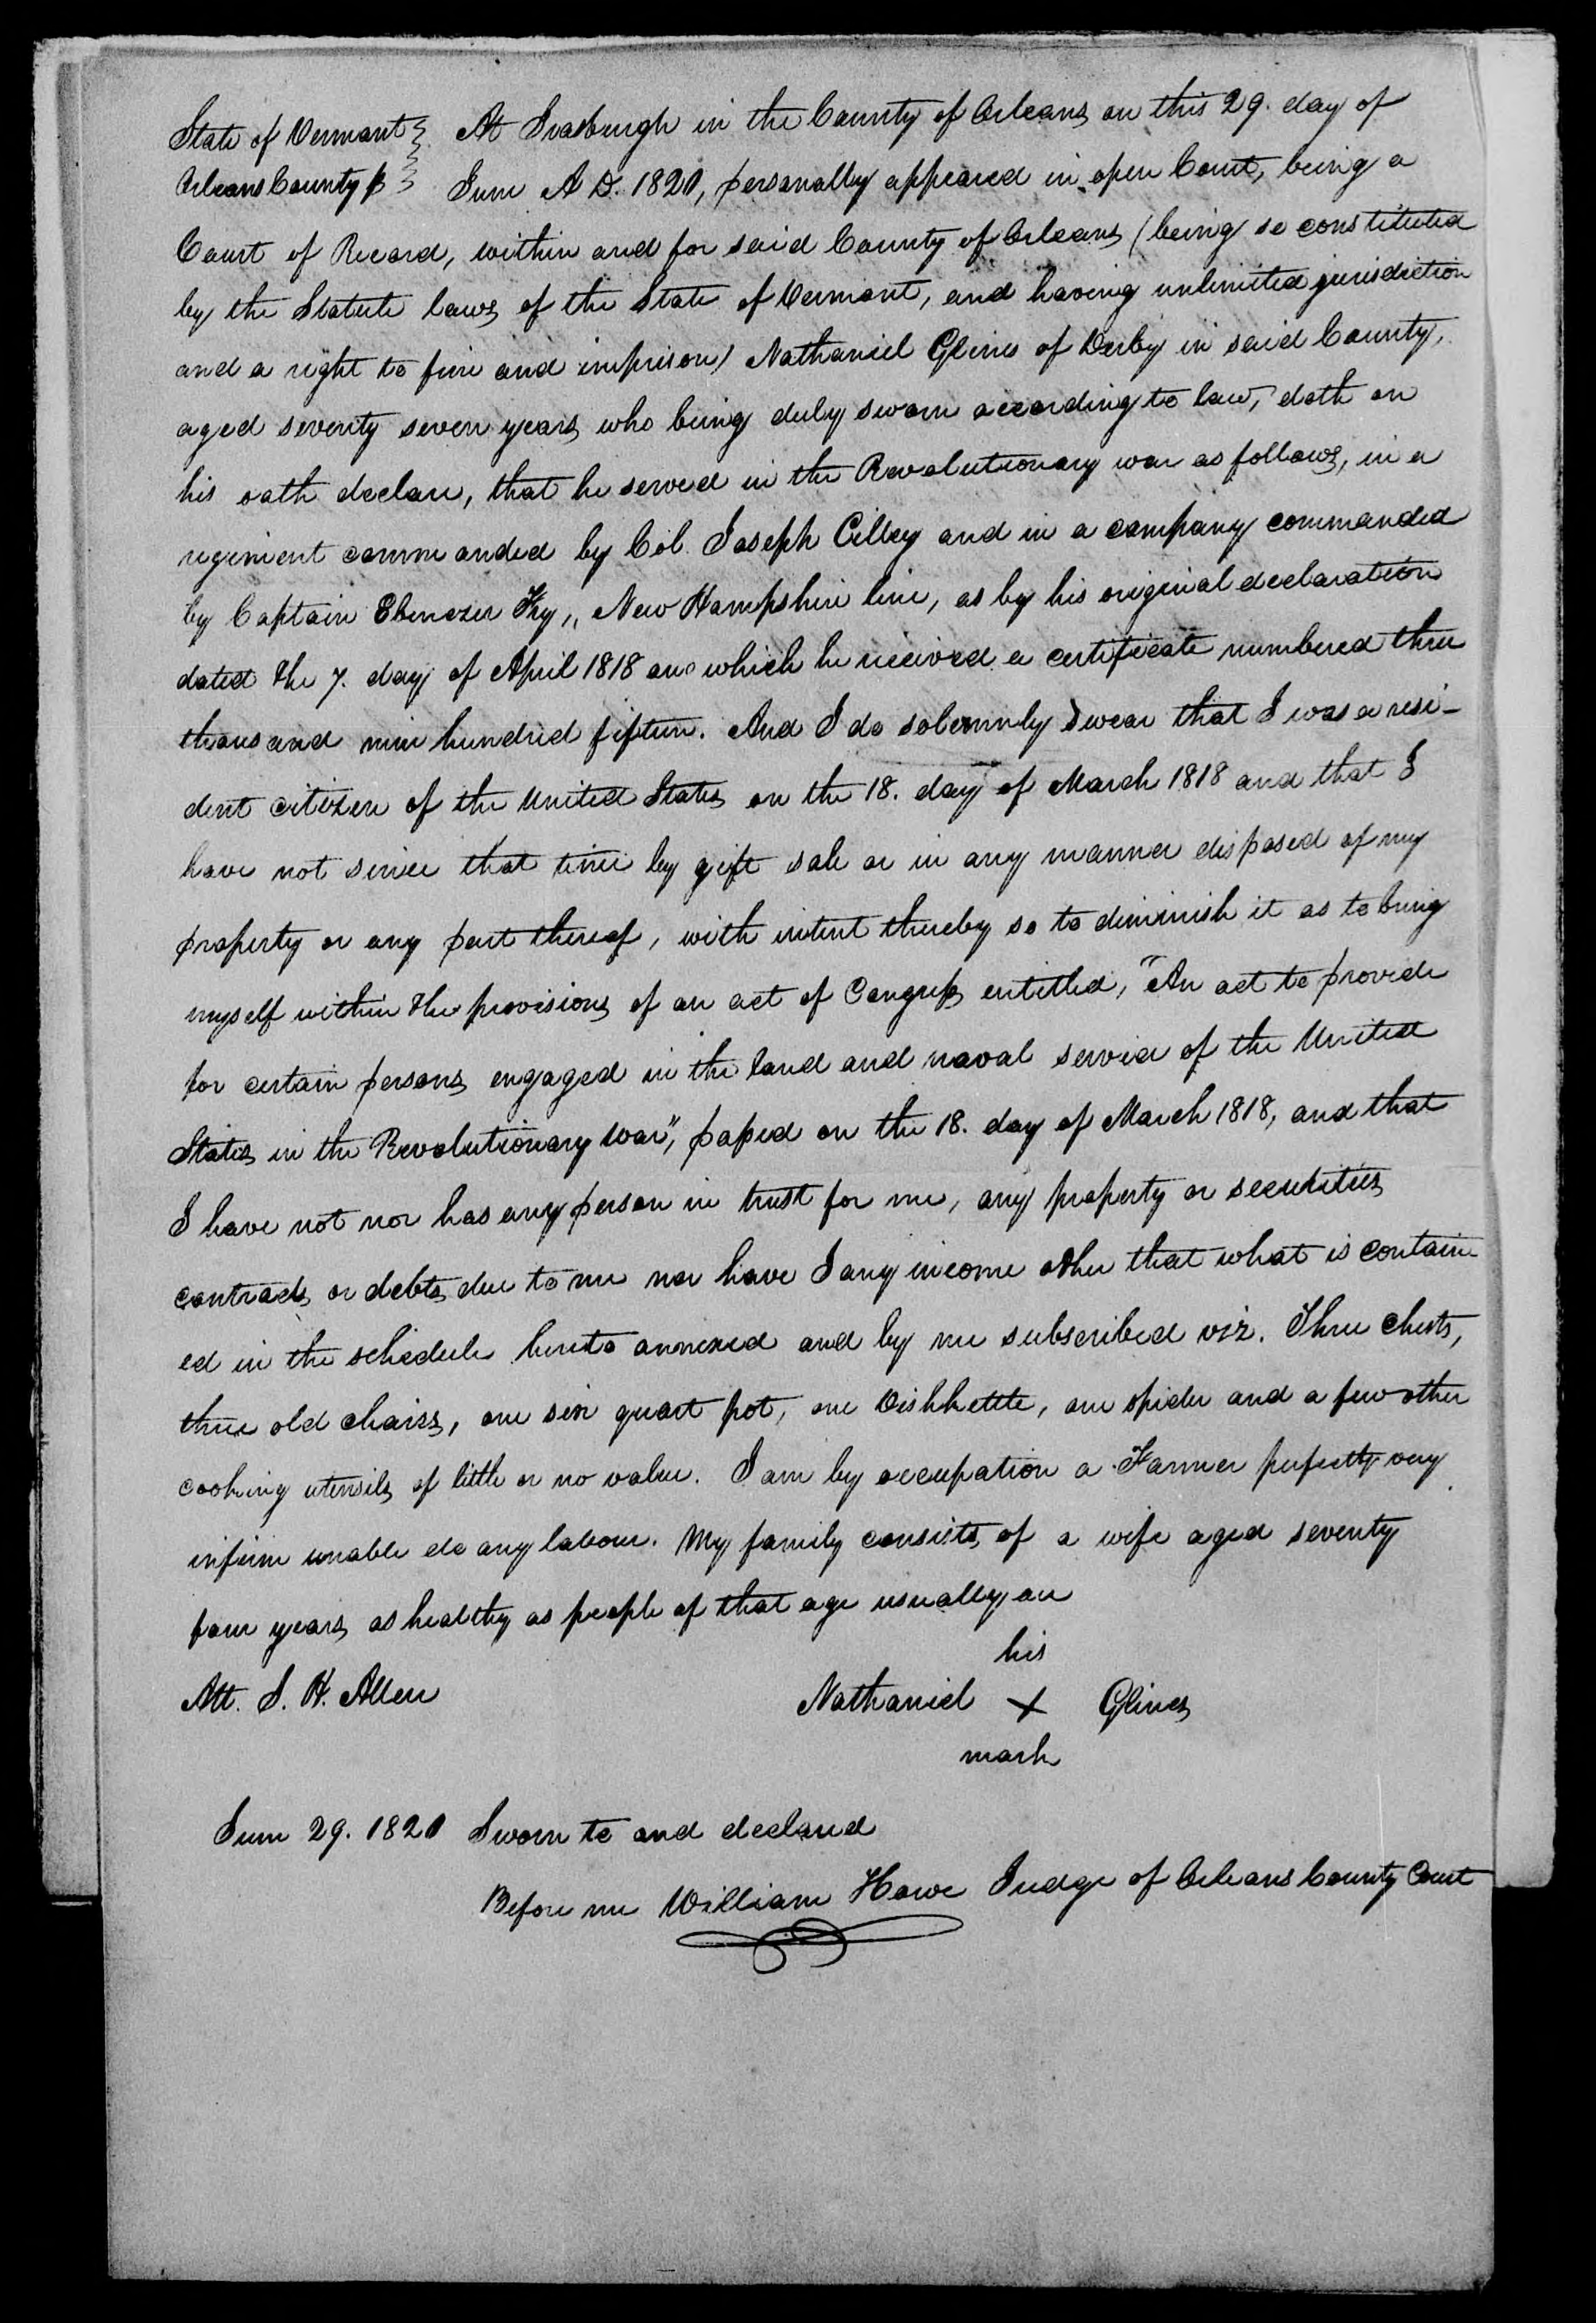State of Vermont
Orleans County Ss.}
At Irasburgh in the County of Orleans on this 29 day of
June AD 1820, personally appeared in open Court, being a
Court of Record, within and for said County of Orleans being so constituted
by the Statute laws of the state of Vermont, and having unlimited jurisdiction
and a right to fine and imprison, Nathaniel Glines of Derby in said County
aged seventy seven years who being duly sworn according to law, doth on 
his oath declare, that he served in the Revolutionary War as follows, in a
regiment commanded by Col. Joseph Cilley and in a company commanded
by Captain Ebenezer Fry, New Hampshire line, as by his original declaration
dated the 7 day of April 1818 on which he received a certificate numbered three
thousand nine hundred fifteen.  And I do solemnly swear that I was a resent
citizen of the United States on the 18 day of March 1818 and that I 
have not since that time by gift sale or in any manner disposed of my
property or any part thereof, with intent thereby do to diminish it as to bring
myself within the provisions of an act of Congress entitled "An act to provide
for certain persons engaged in the land and naval service of the United
States in the Revolutionary War" passed on this 18 day of March 1818, and that
I have not nor has any person in trust for me, any property or securities,
contracts, or debts due to me nor have I any income other that what is contained
in the schedule hereto annexed and by me subscribed viz. Three chests,
three old chairs, one sin quart pot, one dish kettle, one [illegible] and a few other
cooking utensils of little or no value.  I am by occupation a farmer [illegible]
infirm unable to do any labour.  My family consists of a wife aged seventy
four years, as healthy as people of that age usually are
Nathaniel Glines
his mark
Att S. H Allen
June 29, 1820 Sworn to and declared 
Before me William Howe Judge of Orleans County Court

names: S H Allen, Ebenezer Fry, Joseph Cilley, William Howe, Nathaniel Glines, Nathaniel Glines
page: 17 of 29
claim: widow's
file: W. 24,282, Nathaniel Glines, N.H.